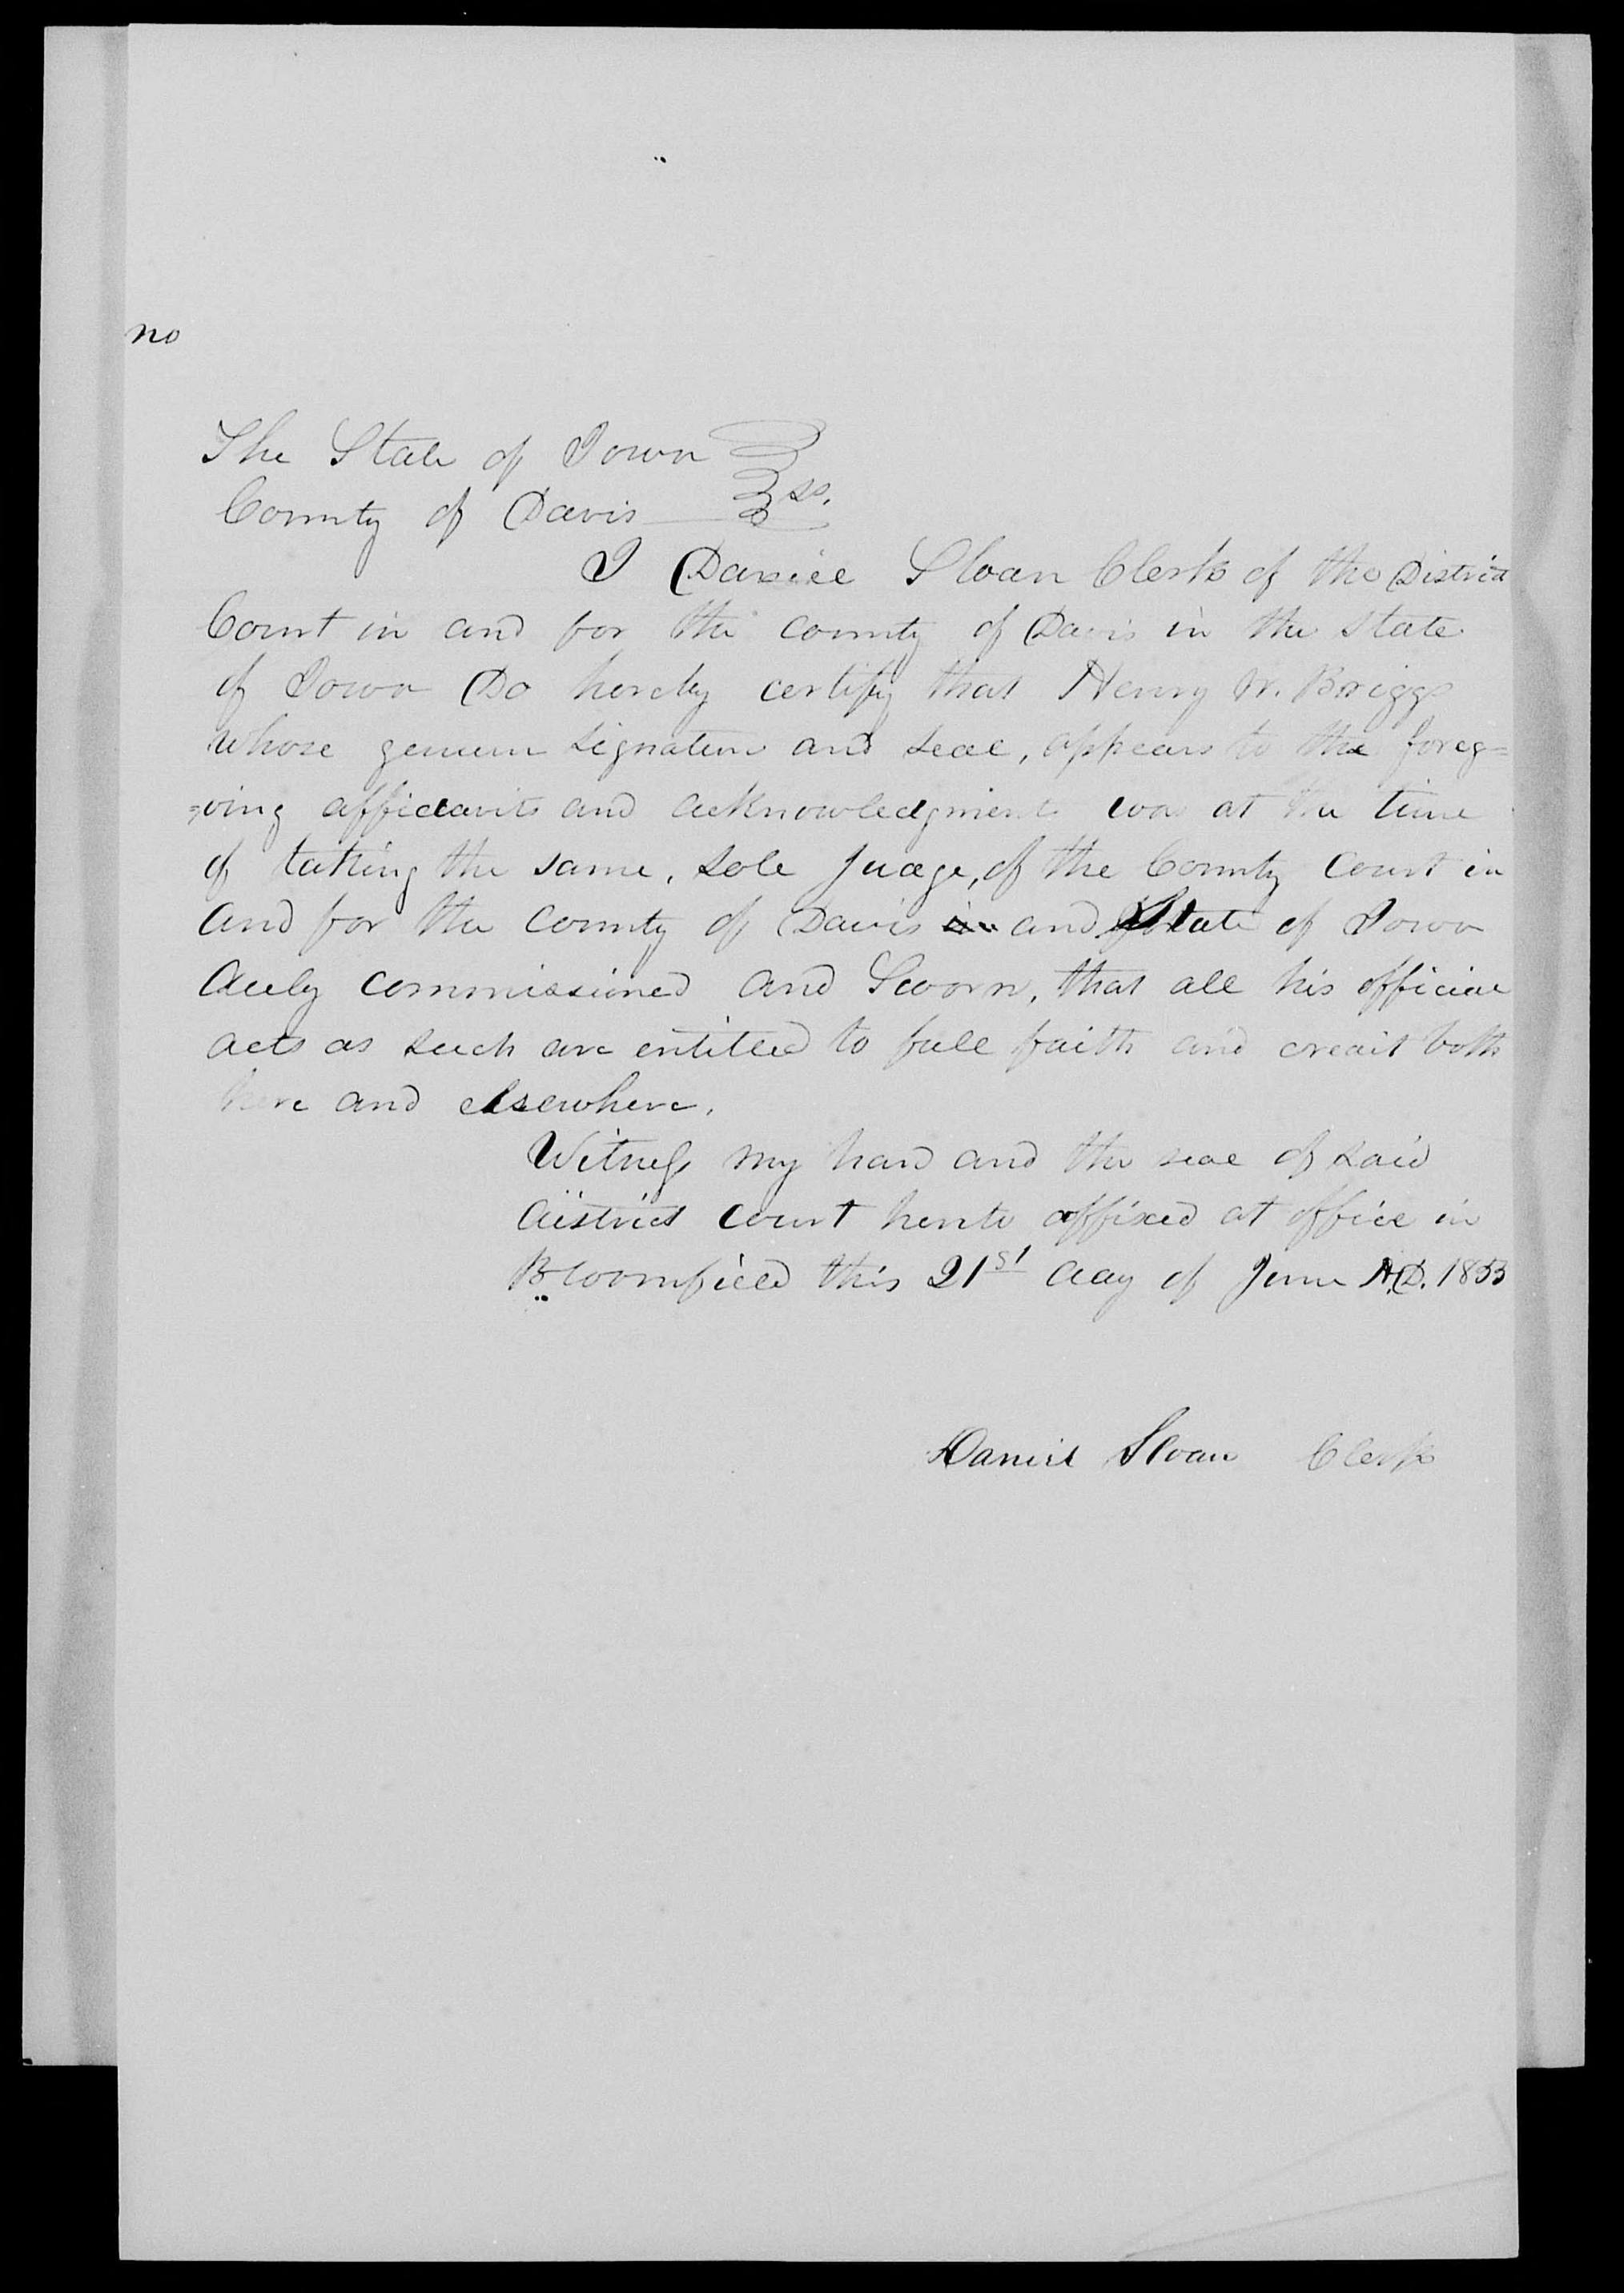no

The State of Iowa } ss.
County of Davis    }
I Daniel Sloan Clerk of the District Court in and for the County of Davis in the State of Iowa Do hereby certify that Henry W. Briggs whose genuine signature and seal, appears to the foregoing affidavits and acknowledgment was at the time of taking the same, sole Judge of the County Court in and for the County of Davis in and State of Iowa duly commissioned and Sworn, that all his official acts as such are entitled to full faith and credit both here and elsewhere.
Witness my hand and the seal of said district Court hereto affixed at office in Bloomfield this 21st day of June A.D. 1853 
Daniel Sloan Clerk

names: Daniel Sloan; Henry W Briggs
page: 26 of 69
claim: widow's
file: W. 10861, for James Patterson, North Carolina